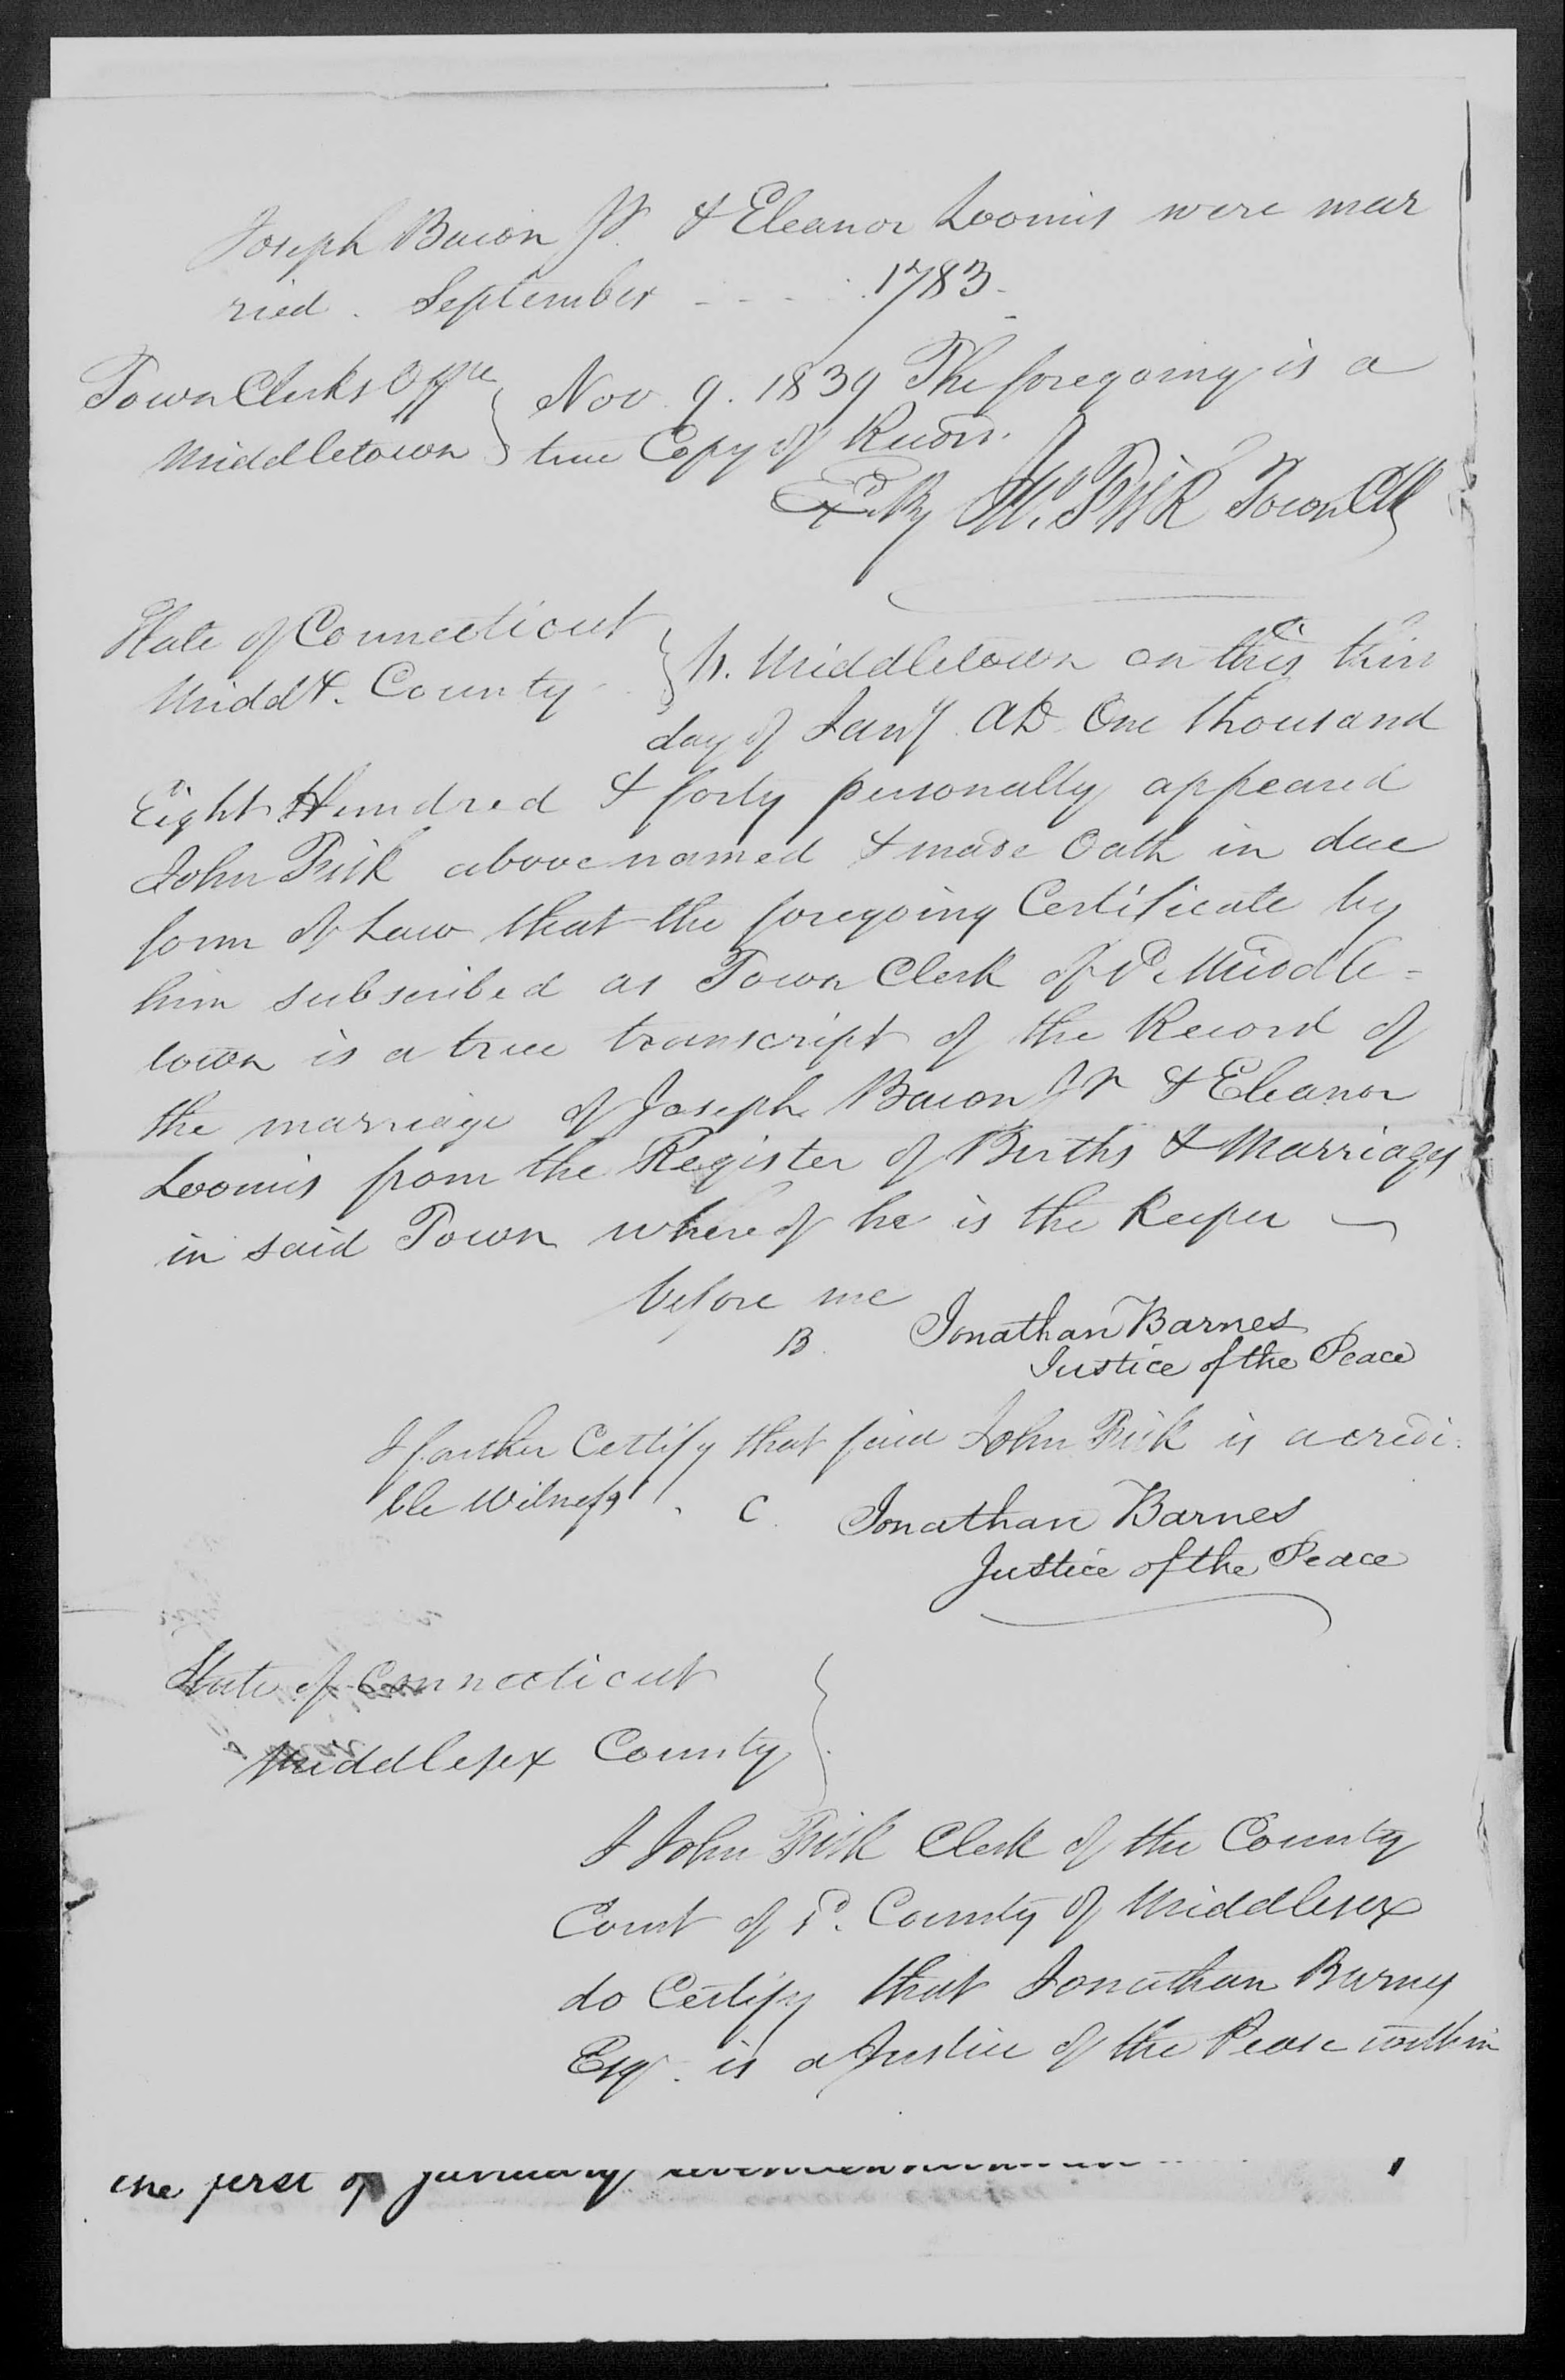Joseph Bacon Jr. & Eleanor Loomis were married September ____ 1783. 

Town Clerks Office
Middletown

November 9 1839 The foregoing is a true Copy of Record. 
Executed by John Fisk, Town Clerk

State of Connecticut
Middlesex County

In Middletown on this ninth day of January A. D One thousand Eight Hundred & forty personally appears John Fisk above names & made Oath in due form of Law that the foregoing Certificate by him subscribed as Town Clerk of said Middletown is a true transcript of the Record of the marriage of Joseph Bacon Jr. & Eleanor Loomis from the Register of Birth & Marriages in said Town where of he is the Keeper.
before me
B.    Jonathan Barnes
Justice of the Peace

I further Certify that said John Fisk is a credible Witness
C.    Jonathan Barnes
Justice of the Peace

State of Connecticut
Middlesex County

I John Fisk Clerk of the County Court of said County of Middlesex do Certify that Jonathan Barnes Esq. is a Justice of the Peace within.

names: Eleanor Loomis, John Fisk, John Fisk, Joseph Bacon, Jonathan Barnes, Joseph Bacon, Eleanor Loomis, Jonathan Barnes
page: 8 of 24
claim: widow's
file: W. 25190, Joseph Bacon, Continental (Conn)